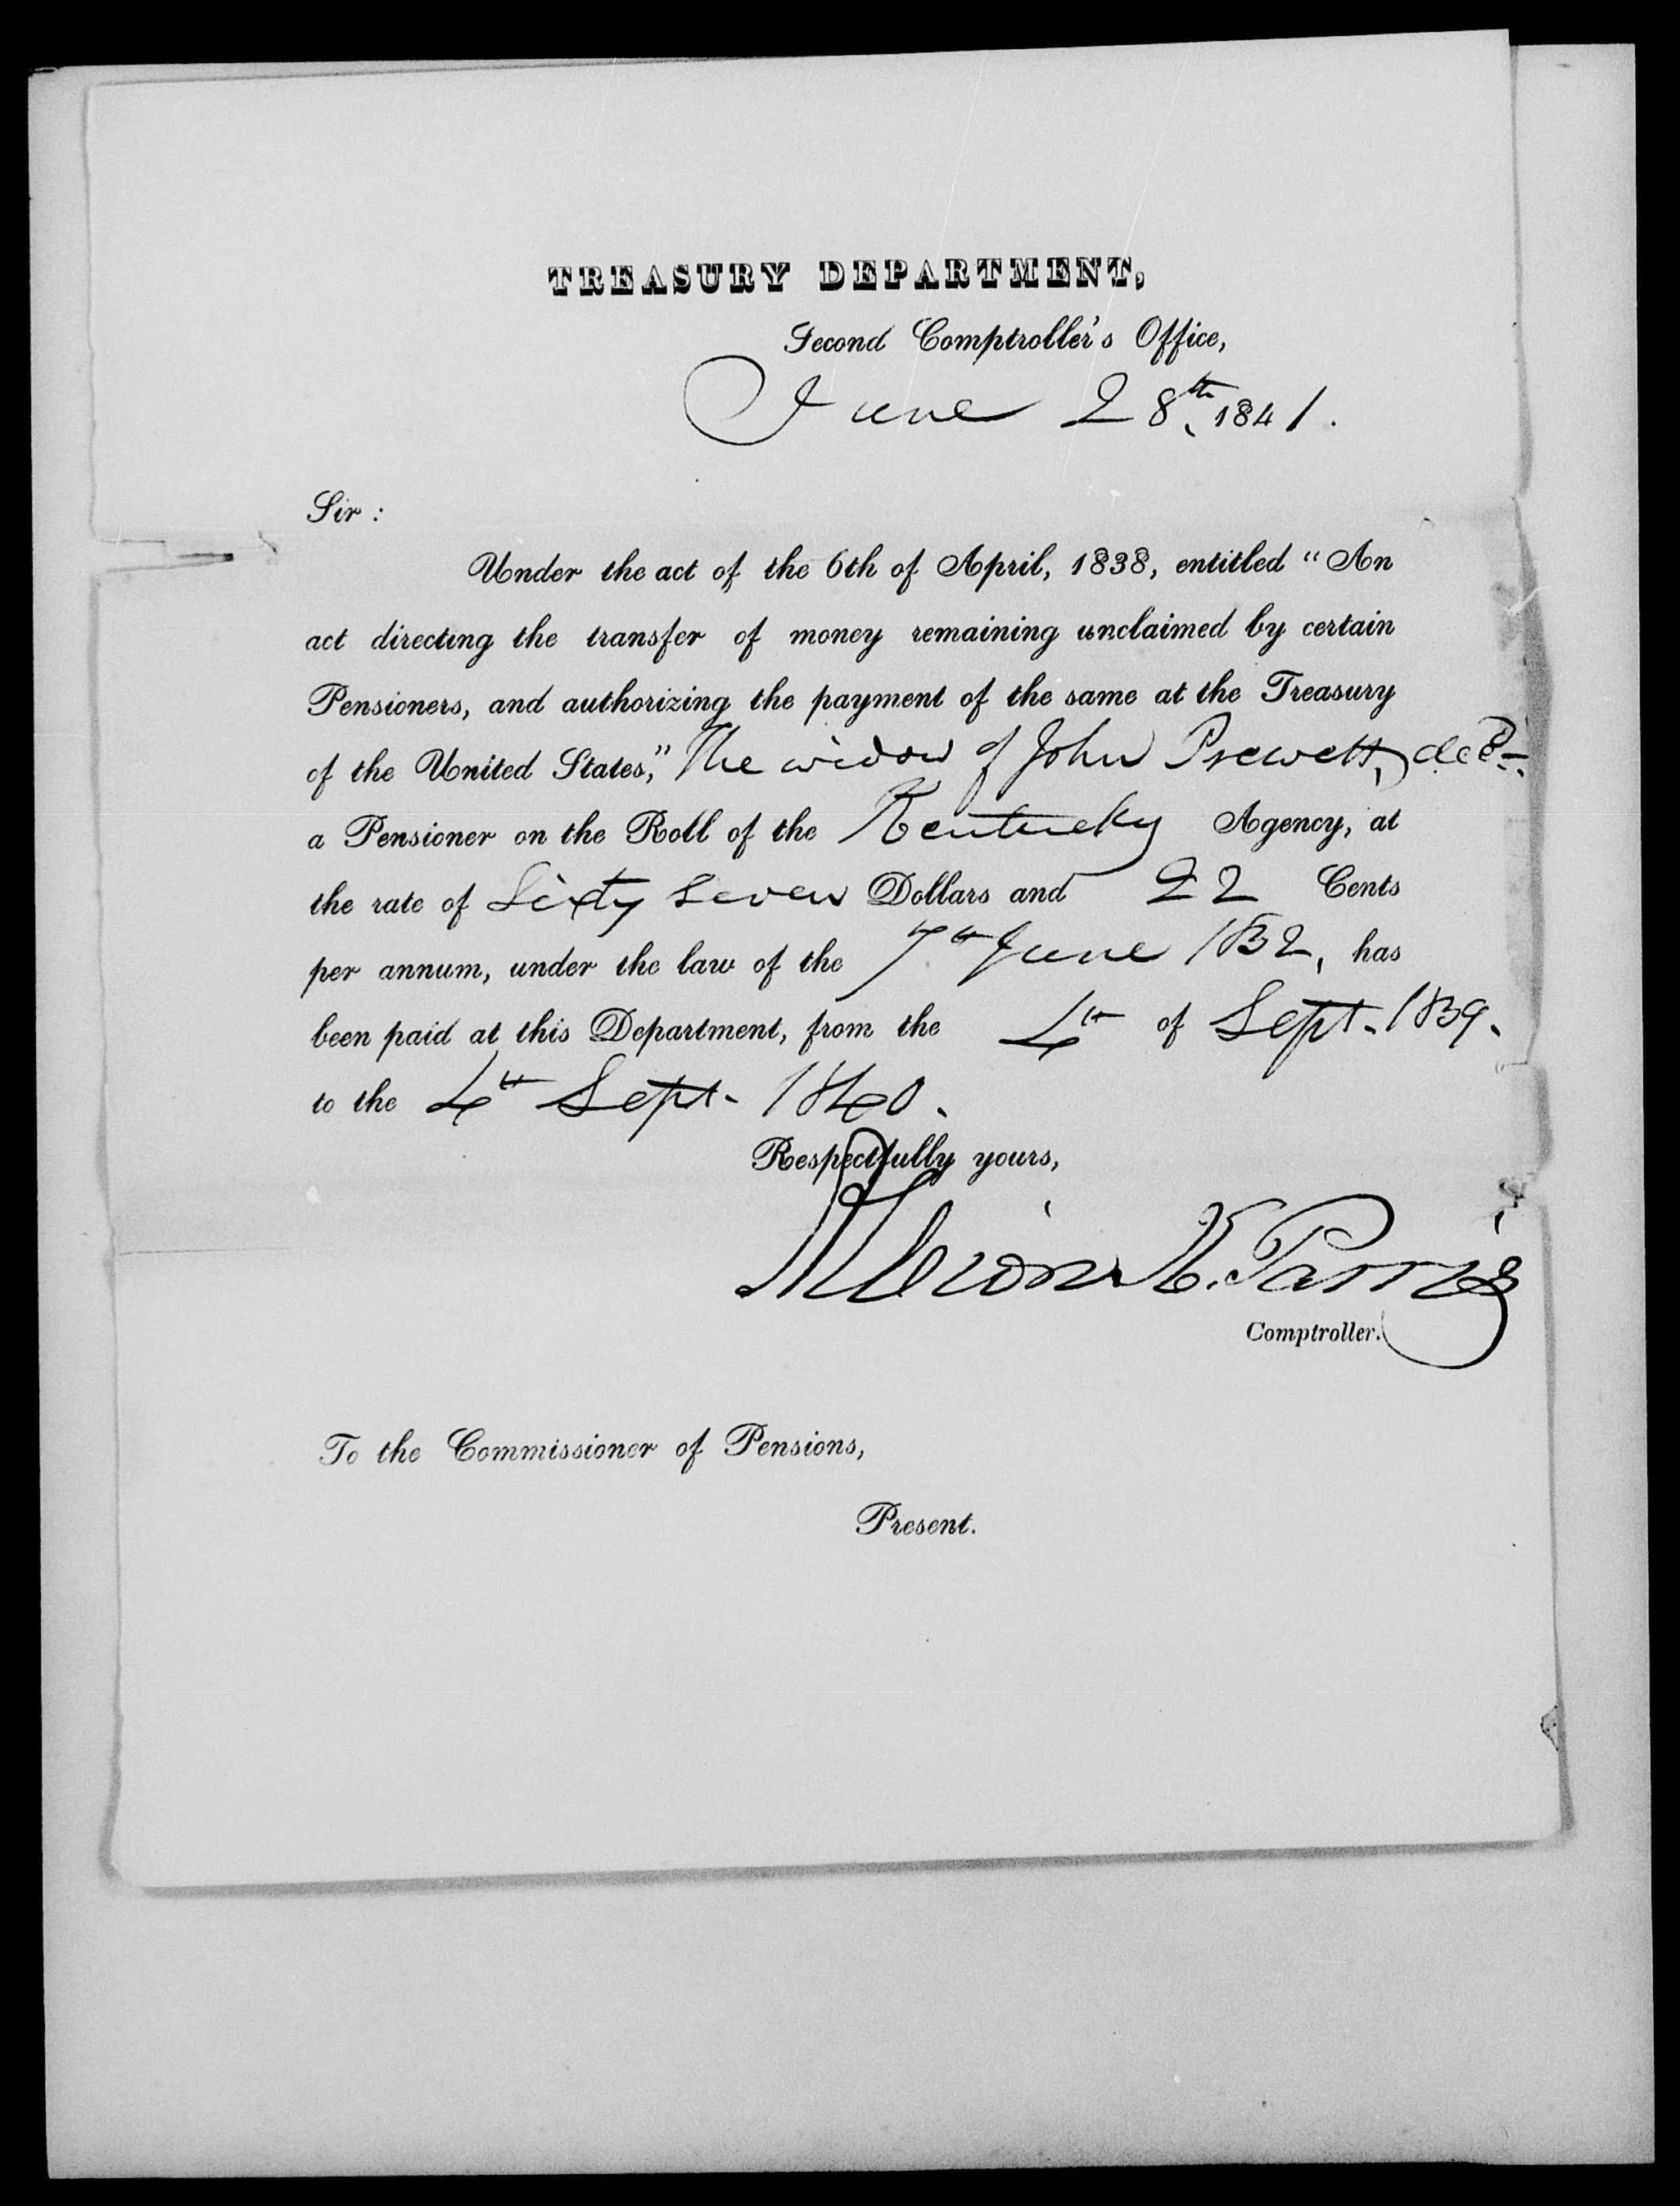TREASURY DEPARTMENT,
Second Comptroller's Office,
June 28th, 1841.

Sir:
Under the act of the 6th of April, 1838, entitled "An act directing the transfer of money remaining unclaimed by certain Pensioners, and authorizing the payment of the same at the Treasury of the United States," The widow of John Prewett, decd., a Pensioner on the Roll of the Kentucky Agency, at the rate of Sixty Seven Dollars and 22 Cents per annum, under the law of the 7th June 1832, has been paid at this Department, from the 4th of Sept. 1839. to the 4th Sept. 1840.
Respectfully yours,
Albion K. Parris
Comptroller.

To the Commissioner of Pensions,
Present.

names: Albion K Parris; John Prewett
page: 13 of 35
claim: survivor's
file: S. 30,665, for John Prewett, Virginia